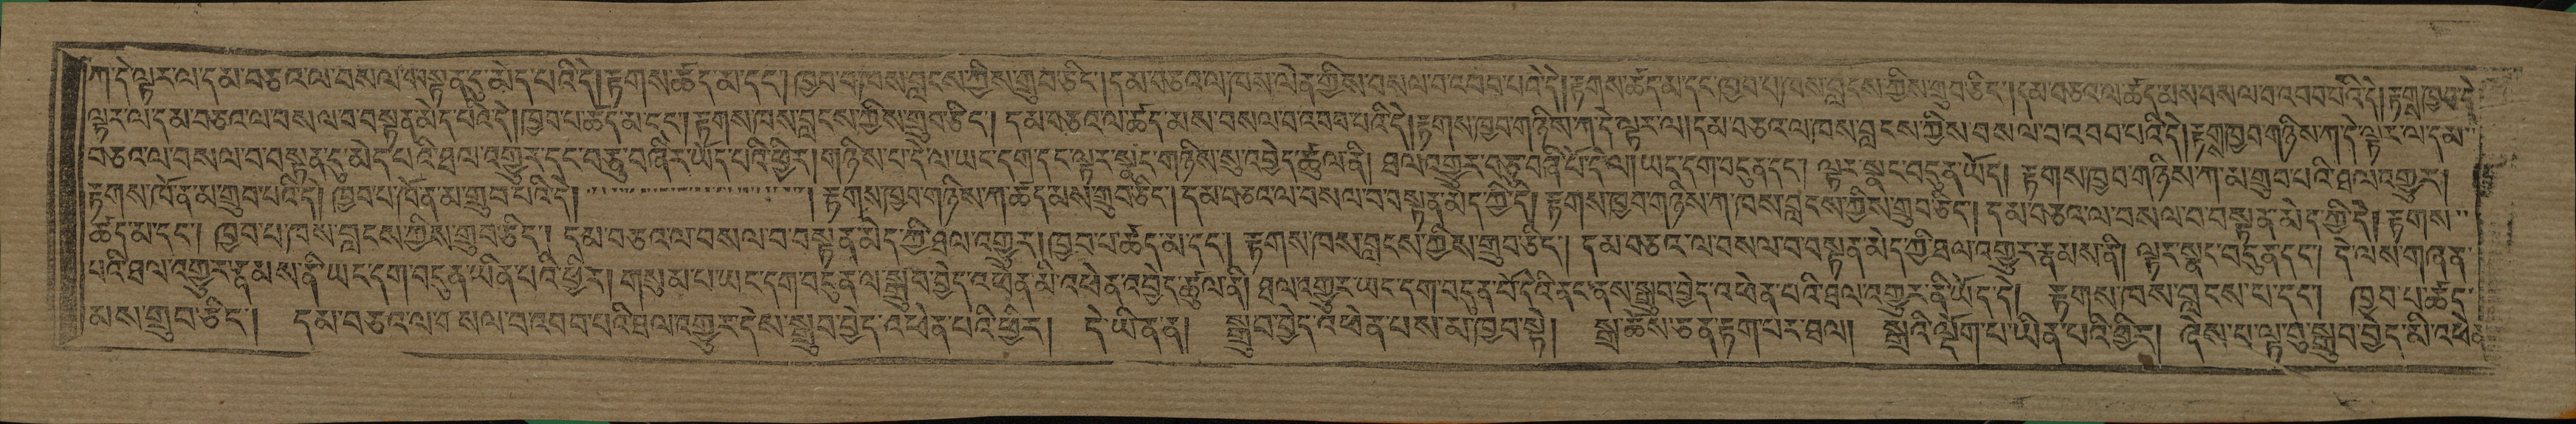ཀ་དེ་ལྟར་ལ་དམ་བཅའ་ལ་བསལ་བ་བསྟན་དུ་མེད་པའི་དེ། རྟགས་ཚད་མ་དང་། ཁྱབ་པ་ཁས་བླངས་ཀྱིས་གྲུབ་ཅིང་། དམ་བཅའ་ལ་ཁས་ལེན་གྱིས་བསལ་བ་འབབ་པའི་དེ། རྟགས་ཚད་མ་དང་ཁྱབ་པ་ཁས་བླངས་ཀྱིས་གྲུབ་ཅིང་། དམ་བཅའ་ལ་ཚད་མས་བསལ་བ་འབབ་པའི་དེ། རྟགས་ཁྱབ་དེ་
ལྟར་ལ་དམ་བཅའ་ལ་བསལ་བ་བསྟན་མེད་པའི་དེ། ཁྱབ་པ་ཚད་མ་དང་། རྟགས་ཁས་བླངས་ཀྱིས་གྲུབ་ཅིང་། དམ་བཅའ་ལ་ཚད་མས་བསལ་བ་འབབ་པའི་དེ། རྟགས་ཁྱབ་གཉིས་ཀ་དེ་ལྟར་ལ། དམ་བཅའ་ལ་ཁས་བླངས་ཀྱིས་བསལ་བ་འབབ་པའི་དེ། རྟགས་ཁྱབ་གཉིས་ཀ་དེ་ལྟར་ལ་དམ་
བཅའ་ལ་བསལ་བ་བསྟན་དུ་མེད་པའི་ཐལ་འགྱུར་དང་བཅུ་བཞིར་ཡོད་པའི་ཕྱིར། གཉིས་པ་དེ་ལ་ཡང་དག་དང་ལྟར་སྣང་གཉིས་སུ་འབྱེད་ཚུལ་ནི། ཐལ་འགྱུར་བཅུ་བཞི་པོ་དེ་ལ། ཡང་དག་བདུན་དང་། ལྟར་སྣང་བདུན་ཡོད། རྟགས་ཁྱབ་གཉིས་ཀ་མ་གྲུབ་པའི་ཐལ་འགྱུར།
རྟགས་ཁོ་ན་མ་གྲུབ་པའི་དེ། ཁྱབ་པ་ཁོ་ན་མ་གྲུབ་པའི་དེ། རྟགས་ཁྱབ་གཉིས་ཀ་ཚད་མས་གྲུབ་ཅིང་། དམ་བཅའ་ལ་བསལ་བ་བསྟན་མེད་ཀྱི་དེ། རྟགས་ཁྱབ་གཉིས་ཀ་ཁས་བླངས་ཀྱིས་གྲུབ་ཅིང་། དམ་བཅའ་ལ་བསལ་བ་བསྟན་མེད་ཀྱི་དེ། རྟགས་
ཚད་མ་དང་། ཁྱབ་པ་ཁས་བླངས་ཀྱིས་གྲུབ་ཅིང་། དམ་བཅའ་ལ་བསལ་བ་བསྟན་མེད་ཀྱི་ཐལ་འགྱུར། ཁྱབ་པ་ཚད་མ་དང་། རྟགས་ཁས་བླངས་ཀྱིས་གྲུབ་ཅིང་། དམ་བཅའ་ལ་བསལ་བ་བསྟན་མེད་ཀྱི་ཐལ་འགྱུར་རྣམས་ནི། ལྟར་སྣང་བདུན་དང་། དེ་ལས་གཞན་
པའི་ཐལ་འགྱུར་རྣམས་ནི་ཡང་དག་བདུན་ཡིན་པའི་ཕྱིར། གསུམ་པ་ཡང་དག་བདུན་ལ་སྒྲུབ་བྱེད་འཕེན་མི་འཕེན་འབྱེད་ཚུལ་ནི། ཐལ་འགྱུར་ཡང་དག་བདུན་པོ་དེའི་ནང་ནས་སྒྲུབ་བྱེད་འཕེན་པའི་ཐལ་འགྱུར་ནི་ཡོད་དེ། རྟགས་ཁས་བླངས་པ་དང་། ཁྱབ་པ་ཚད་
མས་གྲུབ་ཅིང་། དམ་བཅའ་ལ་བསལ་བ་འབབ་པའི་ཐལ་འགྱུར་དེས་སྒྲུབ་བྱེད་འཕེན་པའི་ཕྱིར། དེ་ཡིན་ན། སྒྲུབ་བྱེ་འཕེན་པས་མ་ཁྱབ་སྟེ། སྒྲ་ཆོས་ཅན་རྟག་པར་ཐལ། སྒྲའི་ལྡོག་པ་ཡིན་པའི་ཕྱིར། ཞེས་པ་ལྟ་བུ་སྒྲུབ་བྱེད་མི་འཕེན་